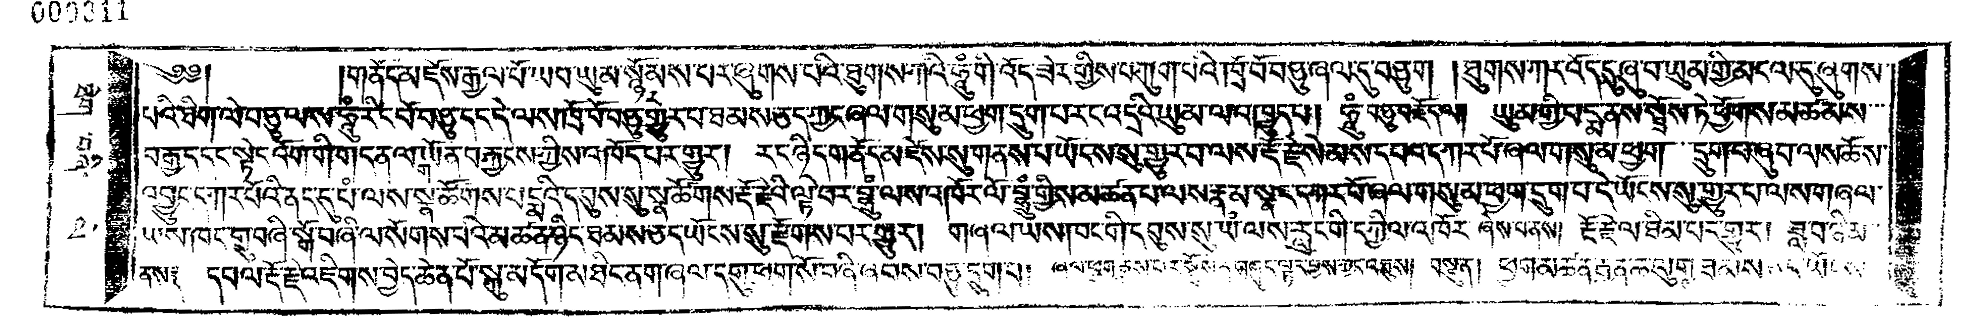༄༅། །གནོད་མཛེས་རྒྱལ་པོ་ཡབ་ཡུམ་སྙོམས་པར་ཞུགས་པའི་ཐུགས་ཀའི་ཧཱུཾ་གི་འོད་ཟེར་གྱིས་བཀུག་པའི་ཁྲོ་བོ་བཅུ་ཞལ་དུ་བཅུག །ཐུགས་ཀར་འོད་དུ་ཞུ་བ་ཡུམ་གྱི་མངལ་དུ་ཞུགས་
པའི་ཐིག་ལེ་བཅུ་ལས་ཧཱུཾ་རིང་པོ་བཅུ་དང་དེ་ལས་ཁྲོ་བོ་བཅུ་གྱུར་བ་ཐམས་ཅད་ཀྱང་ཞལ་གསུམ་ཕྱག་དྲུག་པ་རང་འདྲའི་ཡུམ་ལ་འཁྱུད་པ། ཧཱུཾ་བཅུ་བརྗོད་ལ།  ཡུམ་གྱི་པདམ་ནས་སྤྲོས་ཏེ་ཕྱོགས་མཚམས་
བརྒྱད་དང་སྟེང་འོག་གི་གདན་ལ་གཡོན་བརྐྱངས་ཀྱིས་འཁོད་པར་གྱུར། རང་ཉིད་གནོད་མཛེས་སུ་གནས་པ་ཡོངས་སུ་གྱུར་བ་ལས་རྡོ་རྗེ་སེམས་དཔའ་དཀར་པོ་ཞལ་གསུམ་ཕྱག་དྲུག་པ་ཞུ་བ་ལས་ཆོས་
འབྱུང་དཀར་པོའི་ནང་དུ་པཾ་ལས་སྣ་ཚོགས་པདམའི་དབུས་སུ་སྣ་ཚོགས་རྡོ་རྗེའི་ལྟེ་བར་བྷྲུཾ་ལས་འཁོར་ལོ་བྷྲུཾ་གྱིས་མཚན་པ་ལས་རྣམ་སྣང་དཀར་པོ་ཞལ་གསུམ་ཕྱག་དྲུག་པ་དེ་ཡོངས་སུ་གྱུར་པ་ལས་གཞལ་
ཡས་ཁང་གྲུ་བཞི་སྒོ་བཞི་ལ་སོགས་པའི་མཚན་ཉིད་ཐམས་ཅད་ཡོངས་སུ་རྫོགས་པར་གྱུར། གཞལ་ཡས་ཁང་གི་དབུས་སུ་ཡཾ་ལས་རླུང་གི་དཀྱིལ་འཁོར་ཞེས་པ་ནས།  རྡོ་རྗེ་ལ་ཐིམ་པར་གྱུར། ཟླ་བ་ཉི་མ་
ནས༑  དཔལ་རྡོ་རྗེ་འཇིགས་བྱེད་ཆེན་པོ་སྐུ་མདོག་མཐིང་ནག་ཞལ་དགུ་ཕྱག་སོ་བཞི་ཞབས་བཅུ་དྲུག་པ། ཞལ་ཕྱག་རྒྱས་པར་སྤྲོས་ན་གཞུང་ལྟར་བྱས་ཀྱང་འཐུས། བསྡུ་ན།  ཕྱག་མཚན་རྒྱན་ཆ་ལུགས་ཐམས་ཅད་ཡོངས་